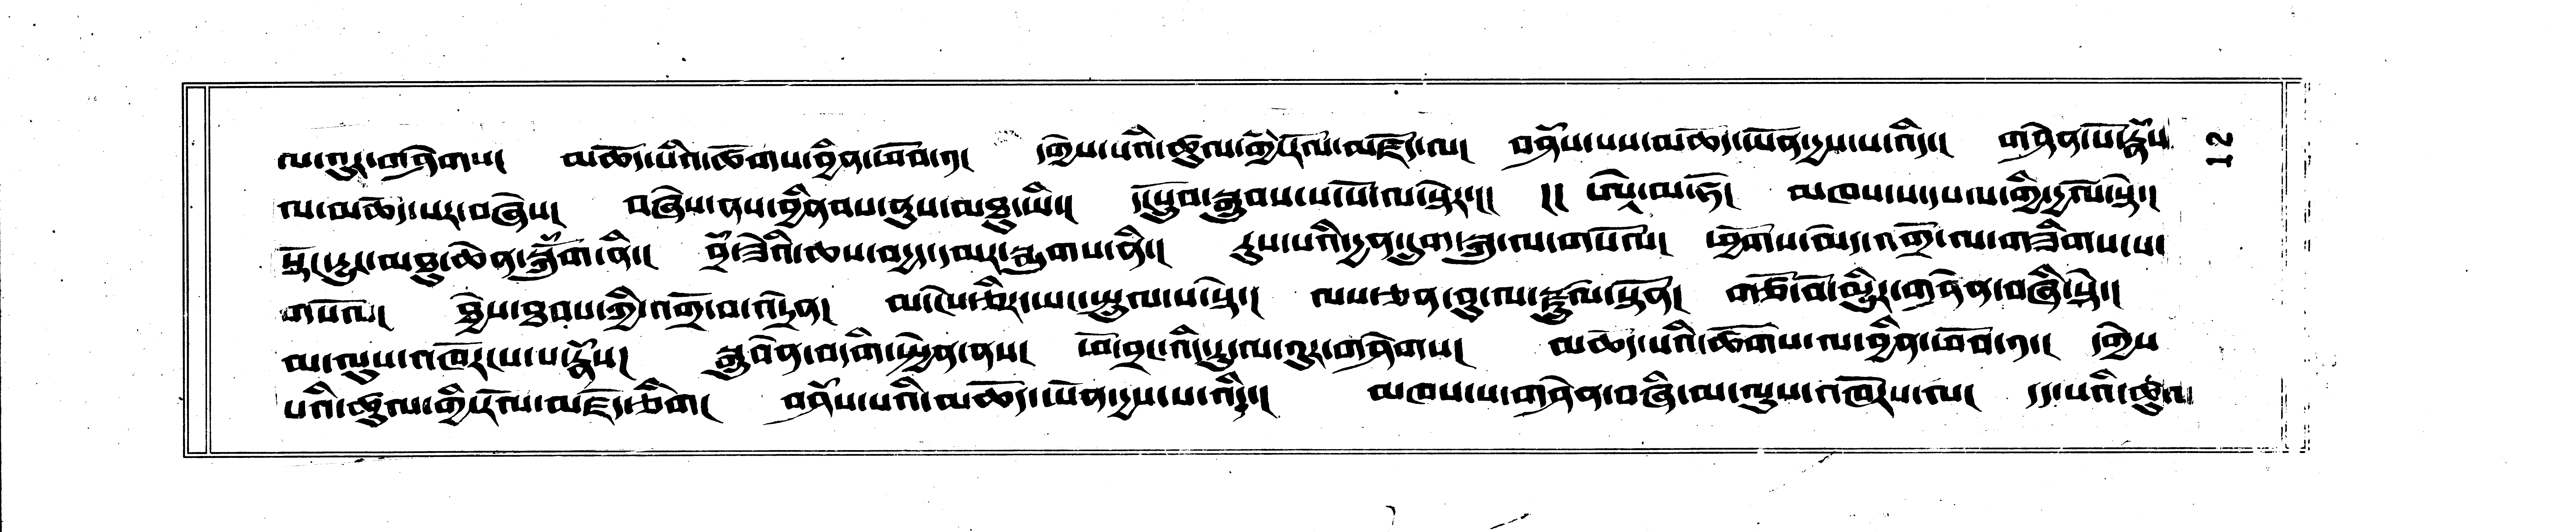ལ་འུར་གཤེགས། མཆོད་པའི་ཚོགས་བྱིན་ཆེན་ཕོབ་གཅིག དགྱེས་པའི་ཚུལ་གྱི་རོལ་མཛོད་ལ། བཤམས་པས་མཆོད་ཡོན་རྒྱས་པ་འདི། གཤེན་པོ་རྣམས་
ལ་མཆོད་པར་བཞེས། བཞེས་ནས་བྱིན་རླབས་ནུས་མཐུ་ཡི། དངོས་གྲུབ་སྒྲུབ་པ་པོ་ལ་སྟེར། །།ཨེ་མ་ཧོ། མཁས་པ་དཔལ་གྱི་རྒྱལ་པོ་སྟེ།
སྟོང་རྒྱུང་མཐུ་ཆེན་སྐུ་མདོག་ནི། བྲམ་ཟེའི་ཆས་བརྒྱད་དམར་སྨུག་ནི། རུས་པའི་རྒྱན་དྲུག་སྐུ་ལ་གསོལ། ཕྱོགས་མེད་འགྲོ་ལ་གཟིགས་པ་
གསོལ། ཐུགས་རྗེ་ཐབས་ཀྱི་འགྲོ་བ་འདྲེན། མ་ངེས་ཅིར་ཡང་སྤྲུལ་པ་སྟེ། ལས་ཅན་བུ་ལ་རྫུ་འཕྲུལ་སྟོན། གཙོ་བོ་མི་འགྱུར་གཤེན་བཞི་སྟེ། 
མ་ལུས་འཁོར་དང་བཅས་པ་རྣམས། སྒྲུབ་ཆེན་བདག་གིས་སྤྱན་འདྲེན་ནས། ཕོ་བྲང་འདི་རུ་ལ་འུར་གཤེགས། མཆོད་པའི་ཚོགས་ལ་བྱིན་ཕོབ་གཅིག དགྱེས་
འི་ཚུལ་གྱི་རོལ་མཛོད་ཅིག བཤམས་པའི་མཆོད་ཡོན་རྒྱས་པ་འདི། མཁས་པ་གཤེན་བཞི་མ་ལུས་འཁོར་བཅས་ལ། དད་པའི་ཚུལ་